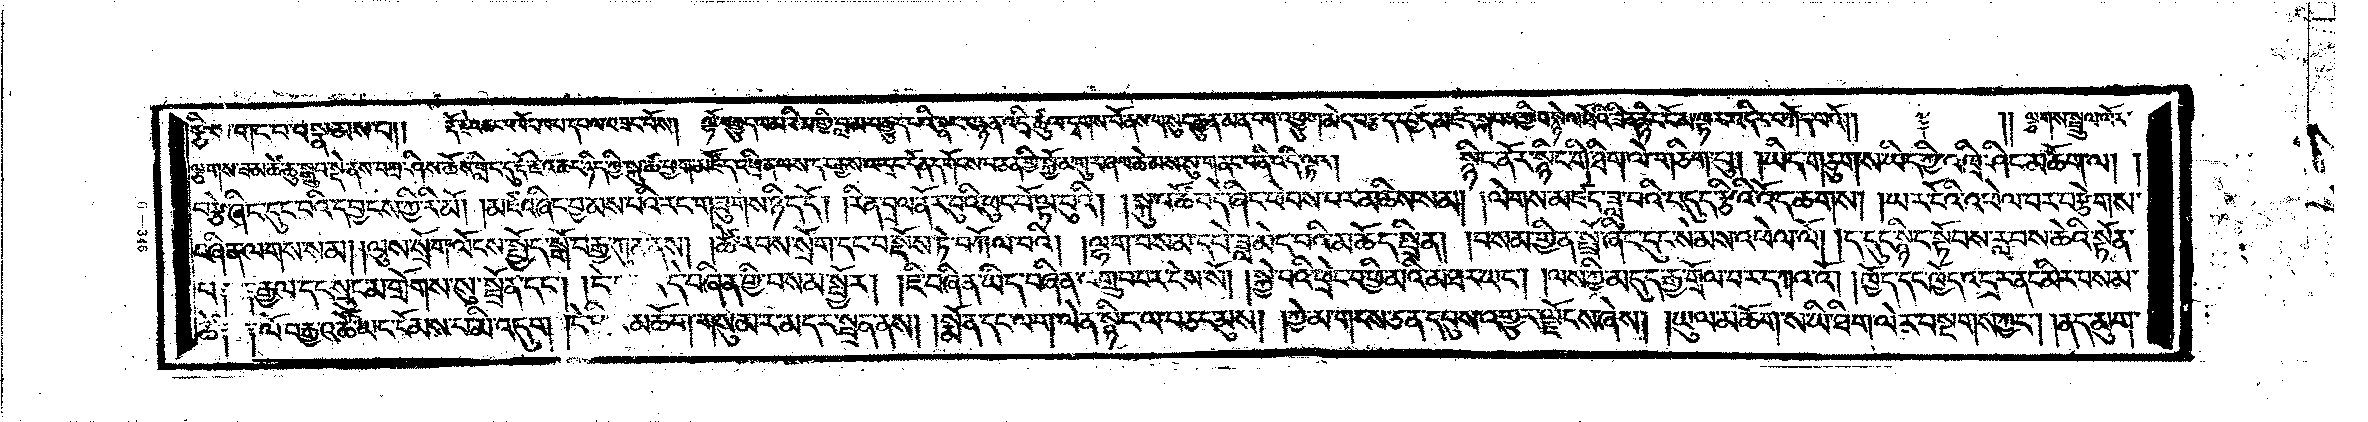རྩིས་གང་པ་བསྣམས་པ།། རྡོ་རྗེ་འཆང་འཁོར་ཁ་པ་དཔལ་བཟང་པོས། ལྷོ་བརྒྱུད་ལམ་རིམ་གྱི་བླ་མ་བརྒྱུད་པའི་སྣང་བརྙན་འདྲི་ཚུལ་དྭགས་བོ་ནས་གསུང་རྒྱུན་མན་ངག་འཕྱུག་མེད་བརྩད་དཔྱོད་མཛད་སྐབས་ཀྱི་བསྙེལ་ཐོའི་ཟིན་རྙིང་ངོ་མ་ལྟར་འདིར་བཀོད་བའོ།། ༈ །།ལྕགས་སྦྲུལ་ལོར་
ལྕགས་ཟམ་ཚེ་ཆུ་སྒྲུབ་སྡེ་ནས་བཀྲ་ཤིས་ཆོས་གླིང་དུ་རྡོ་རྗེ་འཆང་ཉིད་ཀྱི་སྐུ་ཚ་ཕྱག་མཛོད་འཕྲིན་ལས་དར་རྒྱས་འདྲང་དོན་དགོངས་པ་ཅན་གྱི་སྐྱོ་མགུར་ཞལ་ཆེམས་སུ་གནང་བ་ནི་འདི་ལྟར། སྙིང་ནོར་སྙིང་གི་ཐིག་ལེ་གཅིག་པུ། །ཡིད་གཅུགས་ཡིད་ཀྱི་འཁྲི་ཤིང་མཆོག་ལ། །
བརྩེ་ཞིང་དུང་བའི་དབྱངས་ཀྱི་རི་མོ། །མཛའ་ཞིང་བྱམས་པའི་རང་གཟུགས་ཉིད་དོ། །རིན་བྲལ་ནོར་བུའི་ཕུང་བོ་ལྟ་བུའི། །སྐུ་འཚོ་བདེ་ཞིང་ཕེབས་པར་མཆིས་སམ། །ལེགས་མཛད་ཟླ་པའི་བདུད་རྩིའི་འོད་ཆགས། །ཡར་ངོའི་འཕེལ་བར་བརྩེགས་
བཞིན་ལགས་སམ། །ལུས་སྲོག་ལོངས་སྤྱོད་སྒོ་བརྒྱ་ཀུན་ནས། །ཚེ་རབས་སྲོག་དང་བསྡོས་ཏེ་བཀོལ་བའི། །ལྷག་བསམ་དཔེ་ཟླ་མེད་པའི་མཆོད་སྤྲིན། །བསམ་གྱིན་སྤྲོ་ཞིང་དུང་སེམས་འཕེལ་ལོ། །ད་དུང་སྙིང་སྟོབས་རླབས་ཆེའི་སྟོན་
པ༑ ༑རྒྱལ་དང་སྲུང་མ་གྲོགས་སུ་སྦྲོན་དང་། །དེ་དང་དེ་དེ་བཞིན་གྱི་བསམ་སྦྱོར། །ཇི་བཞིན་ཡིད་བཞིན་འགྲུབ་པར་ངེས་སོ། །སྐྱེ་བའི་ཕྲེང་བ་ཕྱི་མའི་མཐར་ཡང་། །ལས་ཀྱི་མདུད་རྒྱ་གྲོལ་བར་དཀའ་འོ། །ཁྱོད་དང་ཁྱོད་འདྲར་ནང་མིར་བསམ་
ཚེ༑ ༑ལོ་བརྒྱ་འཚོ་མང་ངོམས་པ་མི་འདུག །དེ་ཕྱིར་མཆོག་གསུམ་ར་མདར་སྦྲན་ནས། །སྨོན་དང་ལག་ལེན་སྙིང་ལ་བཅང་མུས། །ཀྱེ་མ་གངས་ཅན་དབུས་འགྱུར་ལྗོངས་ཞེས། །ཡུལ་མཆོག་ས་ཡི་ཐིག་ལེར་བསྔགས་ཀྱང་། །ནད་མུག་